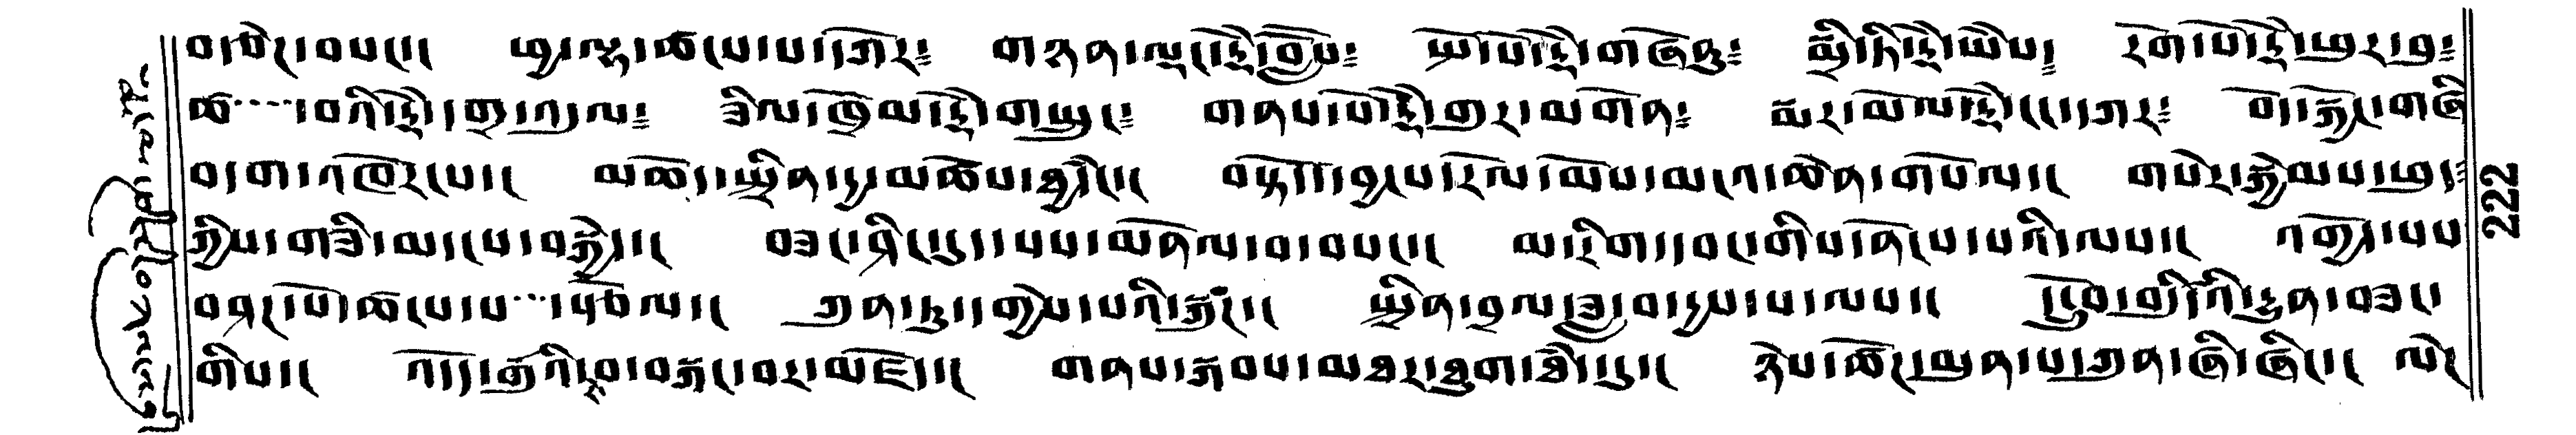བརྩེགས་བསང་། །ཕྱྭ་ལྷ་ཚངས་པ་དཀར་པོ༴ གཉན་ལྡང་རྡོ་རྗེ་བློ་གྲོས༴ སྤུ་བོ་རྡོ་རྗེ་གཞོན་ནུ༴ སྨིར་ཏི་རྡོ་རྗེ་ཡེ་ཤེས༴ རོག་པོ་རྡོ་རྗེ་ཕུར་བུ༴ 
ཚ་བའི་རྡོ་རྗེ་དགྲ་འདུལ༴ ཟིལ་ཁྲོམ་རྡོ་རྗེ་གཡུང་དྲུང༴ གནས་པོ་རྡོ་རྗེ་གུར་མགོན༴ སྨྲ་མོལ་རྡོ་རྗེ་ངང་དཀར༴ བོད་སྐྱོང་གཞི་
བདག་འཁོར་དང་བཅས། །མཆོད་སྤྲིན་རྒྱ་མཚོས་ཐུགས་དམ་སྐང་། །བསྟོད་དབྱངས་རོལ་མོས་མངའ་ཆེན་གསོལ། །གསེར་སྐྱེམས་ཕུད་
ཀྱིས་གཟི་མདངས་བསྐྱེད། །བཟང་ཤིང་དུད་པས་མནོལ་བ་བསང་། །མ་རིག་དབང་གིས་ནོངས་པའི་ལས། །འགྱོད་པས་
བཤགས་སོ་ཚངས་པ་སྩོལ། །ཀུན་ཏུ་དགྱེས་པའི་སྐུ་གསུང་ཐུགས། །སྤྲིན་བྲལ་ཟླ་བ་རྒྱས་པ་ལས། །དངོས་གྲུབ་བདུད་རྩིའི་རྒྱུན་བཟང་
གིས། །འདོད་རྒུའི་རེ་བ་སྐོང་བར་མཛོད། །གནས་སྐབས་མཐར་ཐུག་ཐམས་ཅད་དུ། །ཉེས་ཚོགས་མུན་པ་ཀུན་ཞི་ཞིང་། །ལེགས་